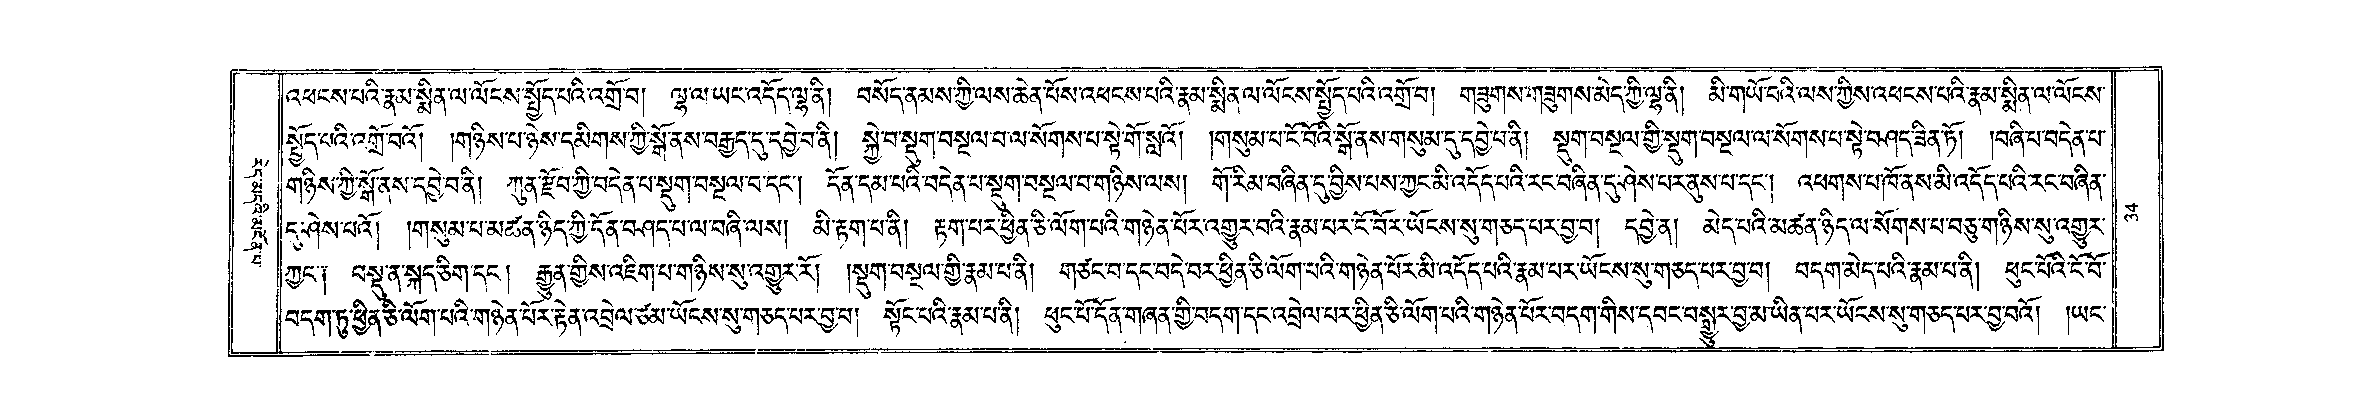འཕངས་པའི་རྣམ་སྨིན་ལ་ལོངས་སྤྱོད་པའི་འགྲོ་བ། ལྷ་ལ་ཡང་འདོད་ལྷ་ནི། བསོད་ནམས་ཀྱི་ལས་ཆེན་པོས་འཕངས་པའི་རྣམ་སྨིན་ལ་ལོངས་སྤྱོད་པའི་འགྲོ་བ། གཟུགས་གཟུགས་མེད་ཀྱི་ལྷ་ནི། མི་གཡོ་བའི་ལས་ཀྱིས་འཕངས་པའི་རྣམ་སྨིན་ལ་ལོངས་
སྤྱོད་པའི་འགྲོ་བའོ། །གཉིས་པ་ཉེས་དམིགས་ཀྱི་སྒོ་ནས་བརྒྱད་དུ་དབྱེ་བ་ནི། སྐྱེ་བ་སྡུག་བསྔལ་བ་ལ་སོགས་པ་སྟེ་གོ་སླའོ། །གསུམ་པ་ངོ་བོའི་སྒོ་ནས་གསུམ་དུ་དབྱེ་བ་ནི། སྡུག་བསྔལ་གྱི་སྡུག་བསྔལ་ལ་སོགས་པ་སྟེ་བཤད་ཟིན་ཏོ། །བཞི་པ་བདེན་པ་
གཉིས་ཀྱི་སྒོ་ནས་དབྱེ་བ་ནི། ཀུན་རྫོབ་ཀྱི་བདེན་པ་སྡུག་བསྔལ་བ་དང་། དོན་དམ་པའི་བདེན་པ་སྡུག་བསྔལ་བ་གཉིས་ལས། གོ་རིམ་བཞིན་དུ་བྱིས་པས་ཀྱང་མི་འདོད་པའི་རང་བཞིན་དུ་ཤེས་པར་ནུས་པ་དང་། འཕགས་པ་ཁོ་ནས་མི་འདོད་པའི་རང་བཞིན་
དུ་ཤེས་པའོ། །གསུམ་པ་མཚན་ཉིད་ཀྱི་དོན་བཤད་པ་ལ་བཞི་ལས། མི་རྟག་པ་ནི། རྟག་པར་ཕྱིན་ཅི་ལོག་པའི་གཉེན་པོར་འགྱུར་བའི་རྣམ་པར་ངོ་བོར་ཡོངས་སུ་གཅད་པར་བྱ་བ། དབྱེ་ན། མེད་པའི་མཚན་ཉིད་ལ་སོགས་པ་བཅུ་གཉིས་སུ་འགྱུར་
ཀྱང༑ བསྡུ་ན་སྐད་ཅིག་དང་། རྒྱུན་གྱིས་འཇིག་པ་གཉིས་སུ་འགྱུར་རོ། །སྡུག་བསྔལ་གྱི་རྣམ་པ་ནི། གཙང་བ་དང་བདེ་བར་ཕྱིན་ཅི་ལོག་པའི་གཉེན་པོར་མི་འདོད་པའི་རྣམ་པར་ཡོངས་སུ་གཅད་པར་བྱ་བ། བདག་མེད་པའི་རྣམ་པ་ནི། ཕུང་པོའི་ངོ་བོ་
བདག་ཏུ་ཕྱིན་ཅི་ལོག་པའི་གཉེན་པོར་རྟེན་འབྲེལ་ཙམ་ཡོངས་སུ་གཅད་པར་བྱ་བ། སྟོང་པའི་རྣམ་པ་ནི། ཕུང་པོ་དོན་གཞན་གྱི་བདག་དང་འབྲེལ་པར་ཕྱིན་ཅི་ལོག་པའི་གཉེན་པོར་བདག་གིས་དབང་བསྒྱུར་བྱ་མ་ཡིན་པར་ཡོངས་སུ་གཅད་པར་བྱ་བའོ། །ཡང་